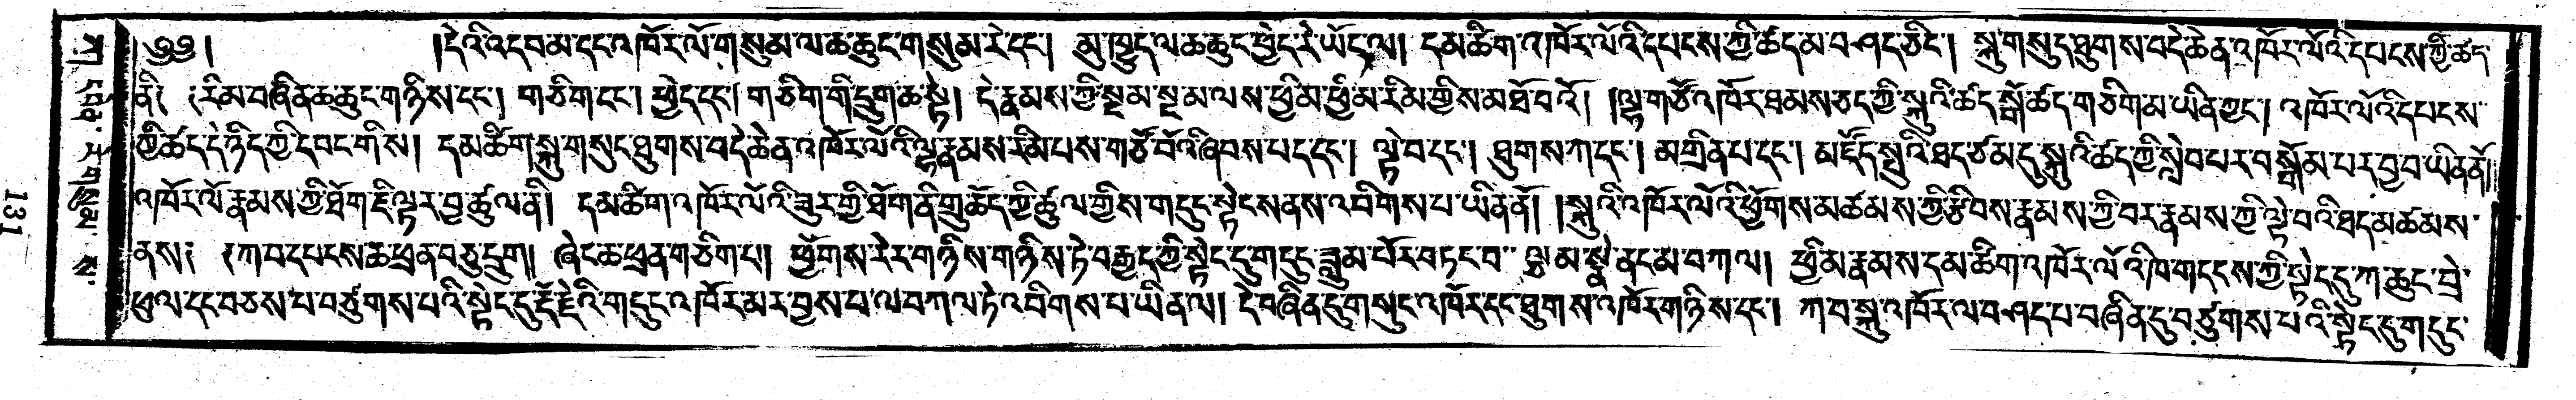༄༅། །དེའི་འདབ་མ་དང་འཁོར་ལོ་གསུམ་ལ་ཆ་ཆུང་གསུམ་རེ་དང་། མུ་ཁྱུད་ལ་ཆ་ཆུང་ཕྱེད་རེ་ཡོད་ལ། དམ་ཚིག་འཁོར་ལོའི་དཔངས་ཀྱི་ཚད་མ་བཤད་ཅིང་། སྐུ་གསུང་ཐུགས་བདེ་ཆེན་འཁོར་ལོའི་དཔངས་ཀྱི་ཚད་
ནི༑ ༑རིམ་བཞིན་ཆ་ཆུང་གཉིས་དང་། གཅིག་དང་། ཕྱེད་དང་། གཅིག་གི་དྲུག་ཆ་སྟེ། དེ་རྣམས་ཀྱི་སྔ་མ་སྔ་མ་ལས་ཕྱི་མ་ཕྱི་མ་རིམ་གྱིས་མཐོ་བའོ། །ལྷ་གཙོ་འཁོར་ཐམས་ཅད་ཀྱི་སྐུའི་ཚད་སྒོ་ཚད་གཅིག་མ་ཡིན་ཀྱང་། འཁོར་ལོའི་དཔངས་
ཀྱི་ཚད་དེ་ཉིད་ཀྱི་དབང་གིས། དམ་ཚིག་སྐུ་གསུང་ཐུགས་བདེ་ཆེན་འཁོར་ལོའི་ལྷ་རྣམས་རིམ་པས་གཙོ་བོའི་ཞབས་པད་དང་། ལྟེ་བ་དང་། ཐུགས་ཀ་དང་། མགྲིན་པ་དང་། མཛོད་སྤུའི་ཐད་ཙམ་དུ་སྐུའི་ཚད་ཀྱི་སླེབ་པར་བསྒོམ་པར་བྱ་བ་ཡིན་ནོ།
འཁོར་ལོ་རྣམས་ཀྱི་ཐོག་ཇི་ལྟར་བྱ་ཚུལ་ནི། དམ་ཚིག་འཁོར་ལོའི་ཟུར་གྱི་ཐོག་ནི་གྲུ་ཆོད་ཀྱི་ཚུལ་གྱིས་གདུང་སྟེངས་ནས་འབིགས་པ་ཡིན་ནོ། །སྐུའི་འཁོར་ལོའི་ཕྱོགས་མཚམས་ཀྱི་རྩིབས་རྣམས་ཀྱི་བར་རྣམས་ཀྱི་ལྟེ་བའི་ཐད་མཚམས་
ནས༑ ༑ཀ་བ་དཔངས་ཆ་ཕྲན་བཅུ་དྲུག། ཞེང་ཆ་ཕྲན་གཅིག་པ། ཕྱོགས་རེར་གཉིས་གཉིས་ཏེ་བརྒྱད་ཀྱི་སྟེང་དུ་གདུང་ཟླུམ་པོར་བཏང་བ་ལྕམ་སྣེ་ནང་མ་བཀལ། ཕྱི་མ་རྣམས་དམ་ཚིག་འཁོར་ལོའི་ཁ་གདངས་ཀྱི་སྟེང་དུ་ཀ་ཆུང་བྲེ་
ཕུལ་དང་བཅས་པ་བཙུགས་པའི་སྟེང་དུ་རྡོ་རྗེའི་གདུང་འཁོར་མར་བྱས་པ་ལ་བཀལ་ཏེ་འབིགས་པ་ཡིན་ལ། དེ་བཞིན་དུ་གསུང་འཁོར་དང་ཐུགས་འཁོར་གཉིས་དང་། ཀ་བ་སྐུ་འཁོར་ལ་བཤད་པ་བཞིན་དུ་བཙུགས་པའི་སྟེང་དུ་གདུང་